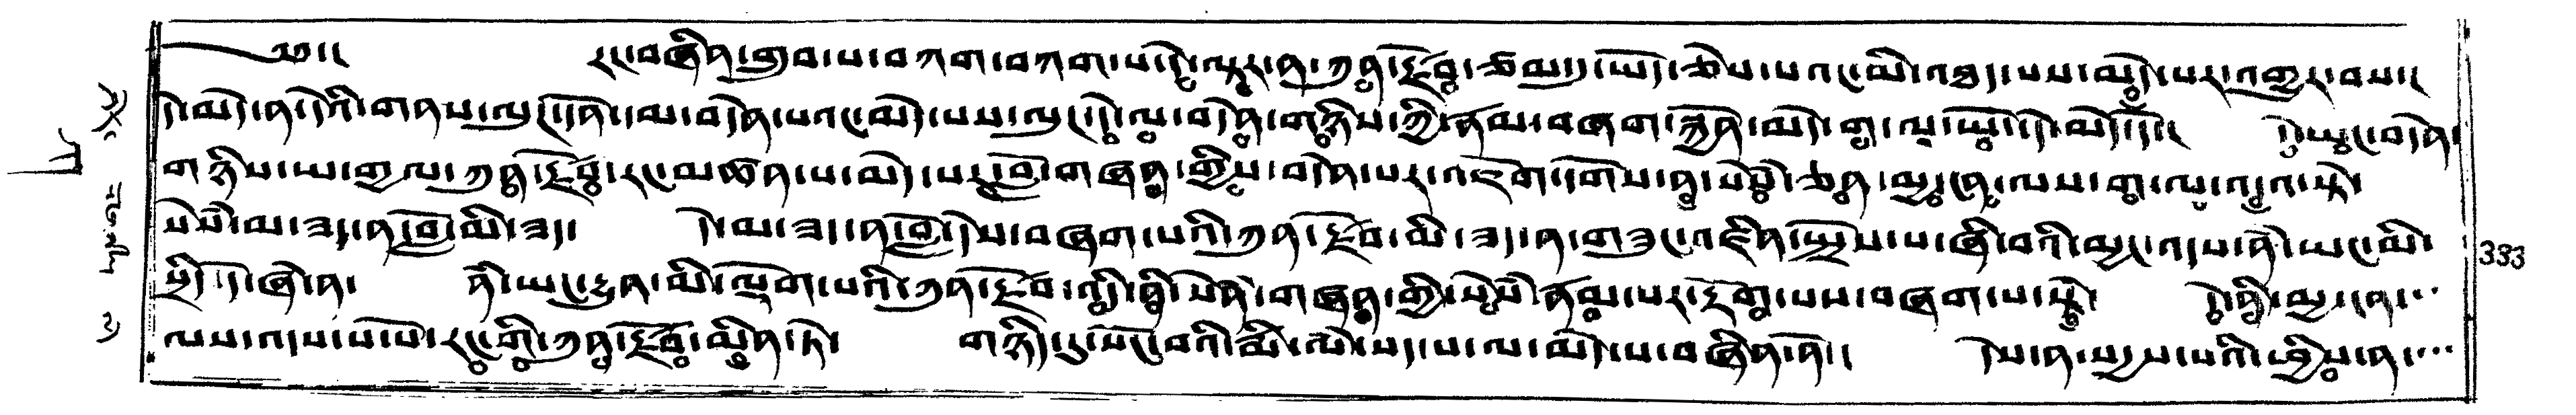རང་བཞིན་གྲུབ་པ་བཀག་པ་དེ་ལྟར་ན་ཀུན་རྫོབ་ཙམ་དུ་ཡོད་ཅེས་པའང་མི་འཐད་པས་མེད་པར་འགྱུར་བས། 
དེ་མེད་ན་དེའི་གནས་ལུགས་དོན་དམ་བདེན་པའང་མེད་པས་ལུགས་དེ་ལ་བདེན་གཉིས་ཀྱི་རྣམ་གཞག་སྐྱོན་མེད་ག་ལ་ཡོད་དེ་མེད་དོ།། དེ་ཡང་བདེན་
གཉིས་ཀྱི་ཡ་གྱལ་ཀུན་རྫོབ་རང་མཚན་པ་མེད་པར་བློ་གཞན་གྱིས་བདེན་པར་འཇོག་དགོས་ན་སེམས་ཅན་མྱ་ངན་ལས་ག་ལ་འདའ་སྟེ། 
སེམས་མ་ཟད་ན་བློ་མི་ཟད། དེ་མ་ཟད་ན་བློ་དེས་བཞག་པའི་ཀུན་རྫོབ་མི་ཟད་ན་གཟུང་འཛིན་སྤྲོས་པ་ཞི་བའི་མྱང་འདས་ནམ་ཡང་མི་
སྲིད་དོ་ཞེ་ན།ནམ་ཡང་རྒྱུན་མི་ལྡོག་པའི་ཀུན་རྫོབ་འདི་ནི་སེམས་ཅན་གཞན་གྱི་སེམས་རྣམ་པར་རྟོག་པས་བཞག་པ་སྟེ། དེ་ནི་མྱ་ངན་
ལས་འདའ་བ་པོ་རང་གི་ཀུན་རྫོབ་མིན་ཏེ། གཉིད་དུ་སོང་བའི་རྨི་ལམ་སད་པ་ན་མེད་པ་བཞིན་ནོ།། དེས་ན་སངས་རྒྱས་པའི་ཕྱིས་ན་